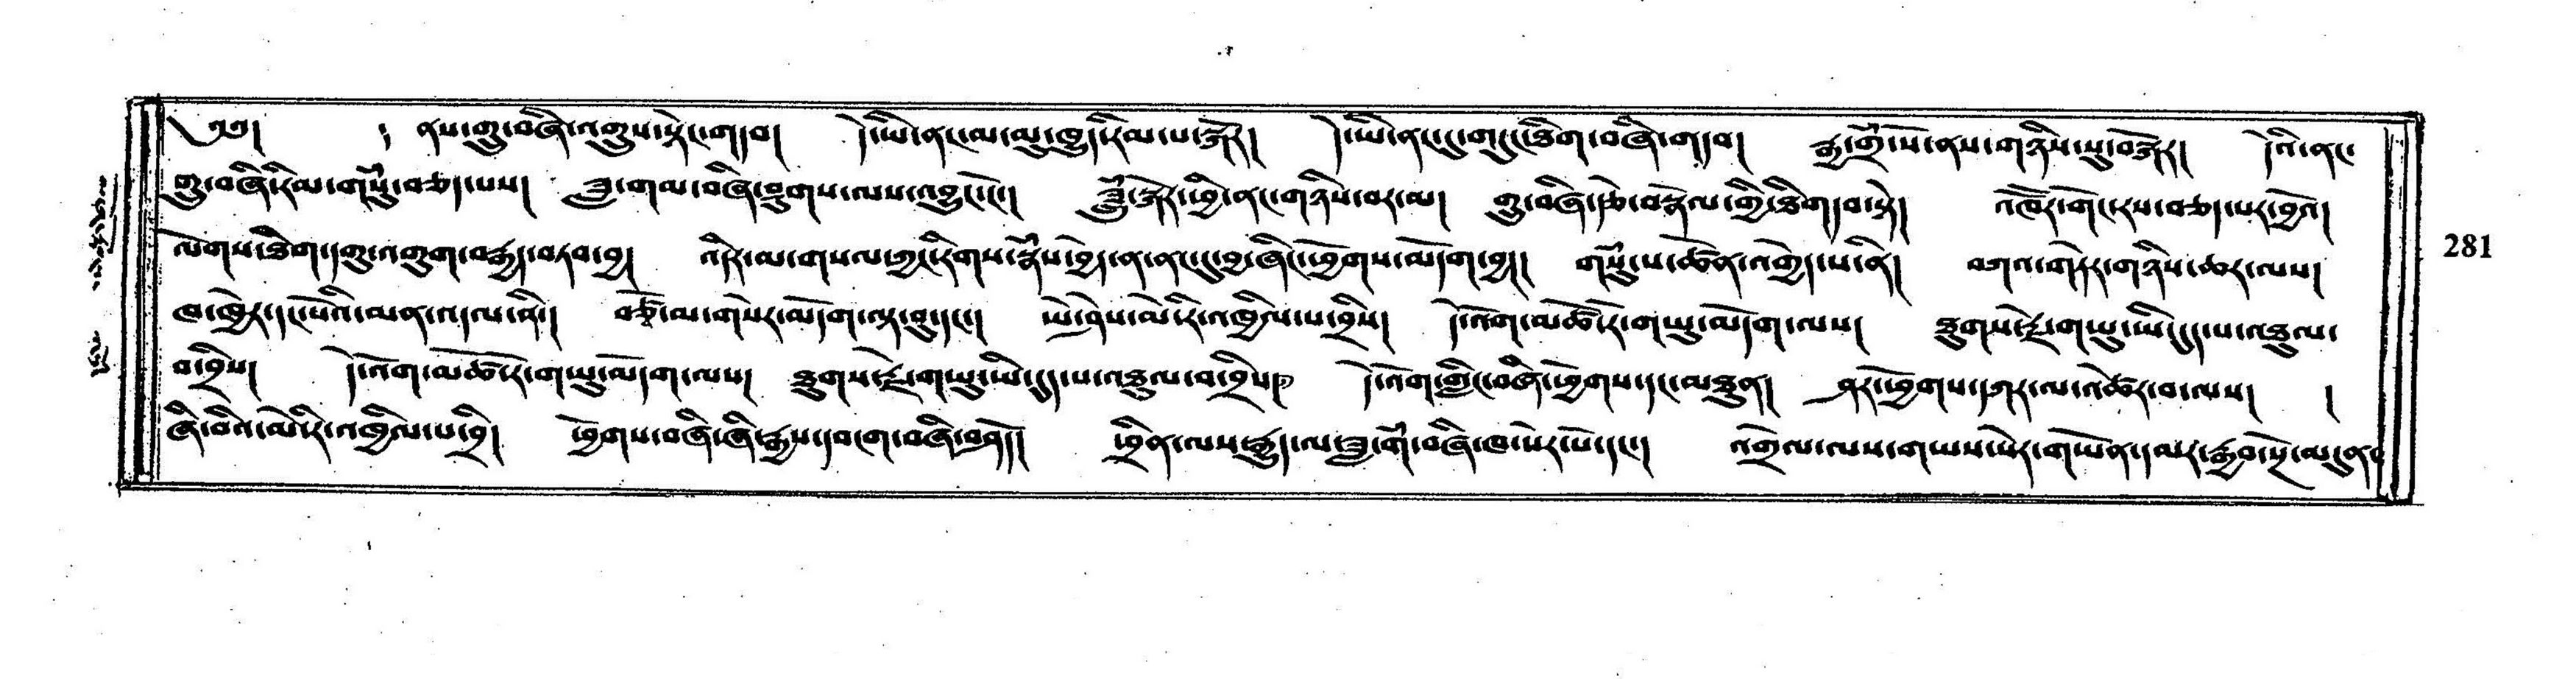ནས་གྲུ་བཞི་འགྲུས་སྟེང་གདབ། དེ་ཡི་ནང་མ་མུ་ཁྱུད་རིམ་པ་སྐོར། དེ་ཡི་ནང་དུ་གདུང་ཐིག་བཞི་གདབ། རྒྱ་གྲམ་སོ་ནས་གཉིས་སུ་བསྐོར། དེའི་ནང་
གྲུ་བཞི་རིམ་གསུམ་བཅད་པས། ཟླ་གམ་བཞི་ཤུགས་ལས་འབྱུང་ངོ་། ཟླུམ་སྐོར་ཕྱི་ནང་གཉིས་བར་ལ། གྲུ་བཞི་རྩེ་བསྣོལ་གྱི་ཐིག་གདབ་སྟེ། འཁོར་ལོ་གོང་རས་བཅད་པར་བྱའོ། 
ལོགས་ཐིག་དགུ་འགུག་བརྒྱད་བཏབ་བྱ། འདིར་མ་གསལ་ཀྱང་རིགས་རྣམས་བྱེད་ན་ནང་དུ་བྱ་ཞིང་ཕྱོགས་མདོག་བྱ།། གསུམ་པ་ཚོན་འགྱེད་པ་ནི། བཀའ་གཏེར་གཉིས་ཆར་ལས། 
ཁ་ཁྱེར་དང་པོའི་མན་འདལ་ནི། བཙྭོ་མ་གསེར་མདོག་ལྟ་བུ་དང་། ཡེ་ཤེས་མེ་རི་འཁྱིལ་པ་བྲིས། དེ་འོག་མཚོ་རོ་གཡུ་མདོག་ལས། ཐུགས་རྗེ་གཡུ་ཡི་དུད་པ་འཐུལ་
བ་བྲིས། དེ་འོག་མཚོ་རོ་གཡུ་མདོག་ལས། ཐུགས་རྗེ་གཡུ་ཡི་དུད་པ་འཐུལ་བ་བྲིས། དེ་འོག་གླིང་བཞི་ཕྱོགས་དང་མཐུན། ཤར་ཕྱོགས་དཀར་ལ་འཚེར་བ་ལས། 
ཞི་བའི་མེ་རི་འཁྱིལ་པ་བྲི། ཕྱོགས་བཞི་ཞི་རྒྱས་དབང་དྲག་བཞི་བཤོད། ཕྲིན་ལས་རྒྱུད་ལ་ཟླ་གམ་བཞི་ཁ་སེར་པོ་དང་། འགྲེལ་ལས་གཡས་སེར་གཡོན་དམར་རྒྱབ་སྔོ་མདུན་